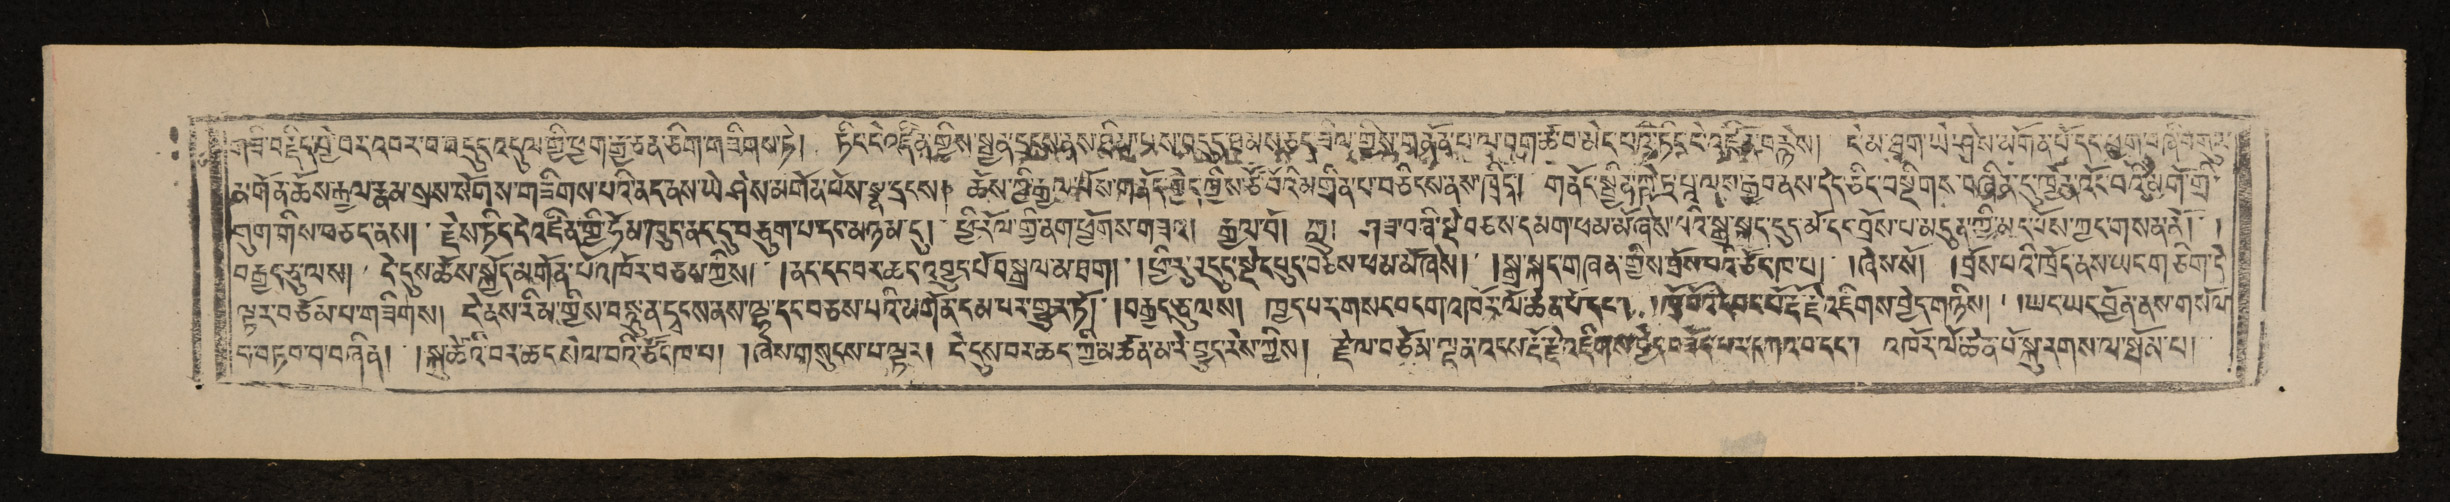གཟི་བརྗིད་བྱེ་བར་འབར་བ་བདུད་འདུལ་གྱི་ཕྱག་རྒྱ་ཅན་ཅིག་གཟིགས་ཏེ། ཏིང་ངེ་འཛིན་གྱིས་སྤྱན་དྲངས་ནས་ཐིམ་པས་བདུད་ཐམས་ཅད་ཟིལ་གྱིས་གནོན་པ་ལ་བག་ཚ་བ་མེད་པའི་ཏིང་ངེ་འཛིན་བརྙེས། དེ་མ་ཐག་ཡེ་ཤེས་མགོན་པོ་ངང་ཕྱག་བཞི་པ་གུར་
མགོན་ཆོས་རྒྱལ་རྣམ་སྲས་སོགས་གཟིགས་པའི་ནང་ནས་ཡེ་ཤེས་མགོན་པོས་སྣ་དྲངས། ཆོས་ཀྱི་རྒྱལ་པོས་གནོད་བྱེད་ཀྱི་གཙོ་བོའི་མགྲིན་པ་བཅིངས་ནས་ཁྲིད། གནོད་སྦྱིན་ཀྵེ་ཏྲ་པཱ་ལས་རྒྱབ་ནས་དེད་ཅིང་བསྡིགས་བཞིན་དུ་ཁྱེར་འོང་བའི་མགོ་གྲི་
གུག་གིས་བཅད་ནས། རྗེས་ཏིང་ངེ་འཛིན་གྱི་ཧོམ་ཁུང་ནང་དུ་བཅུག་པ་དང་མཉམ་དུ། ཕྱི་རོལ་གྱི་ནག་ཕྱོགས་གཟའ། རྒྱལ་པོ། ཀླུ། ཤ་ཟ་བཞི་སྡེ་བཅས་དམག་ཕམ་མོ་ཞེས་པའི་སྒྲ་སྐད་དུད་མོ་དང་བྲོས་པ་མདུན་གྱི་མང་པོས་ཀྱང་གསན་ནོ། །
བརྒྱད་ཅུ་ལས། དེ་དུས་ཆོས་སྐྱོང་མགོན་པོ་འཁོར་བཅས་ཀྱིས། །ནད་དང་བར་ཆད་འབྱུང་པོ་བསྒྲལ་མ་ཐག །ཕྱི་རུ་བདུད་སྡེ་དཔུང་བཅས་ཕམ་མོ་ཞེས། །སྒྲ་སྐད་གཞན་གྱིས་ཐོས་པའི་ཙོང་ཁ་པ། །ཞེས་སོ། །བྲོས་པའི་ཁྲོད་ནས་ཡང་གཅིག་དེ་
ལྟར་བཅོམ་པ་གཟིགས། དེ་ནས་རིམ་གྱིས་བསྙུན་དྭངས་ནས་ལྷ་དང་བཅས་པའི་མགོན་དམ་པར་གྱུར་ཏོ། །བརྒྱད་ཅུ་ལས། ཁྱད་པར་གསང་བདག་འཁོར་ལོ་ཆེན་པོ་དང་། །ཁྲོ་བོའི་དབང་པོ་རྡོ་རྗེ་འཇིགས་བྱེད་གཉིས། །ཡང་ཡང་བྱོན་ནས་གསོལ་
བ་བཏབ་པ་བཞིན། །སྐུ་ཚེའི་བར་ཆད་སེལ་བའི་ཙོང་ཁ་པ། །ཞེས་གསུངས་པ་ལྟར། དེ་དུས་བར་ཆད་ཀྱི་མཚན་མ་རེ་བྱུང་རེས་ཀྱིས། རྗེ་ལ་བཅོམ་ལྡན་འདས་རྡོ་རྗེ་འཇིགས་བྱེད་བཟོད་པར་དཀའ་བ་དང་། འཁོར་ལོ་ཆེན་པོ་སྐུ་རགས་ལ་སྦོམ་པ།